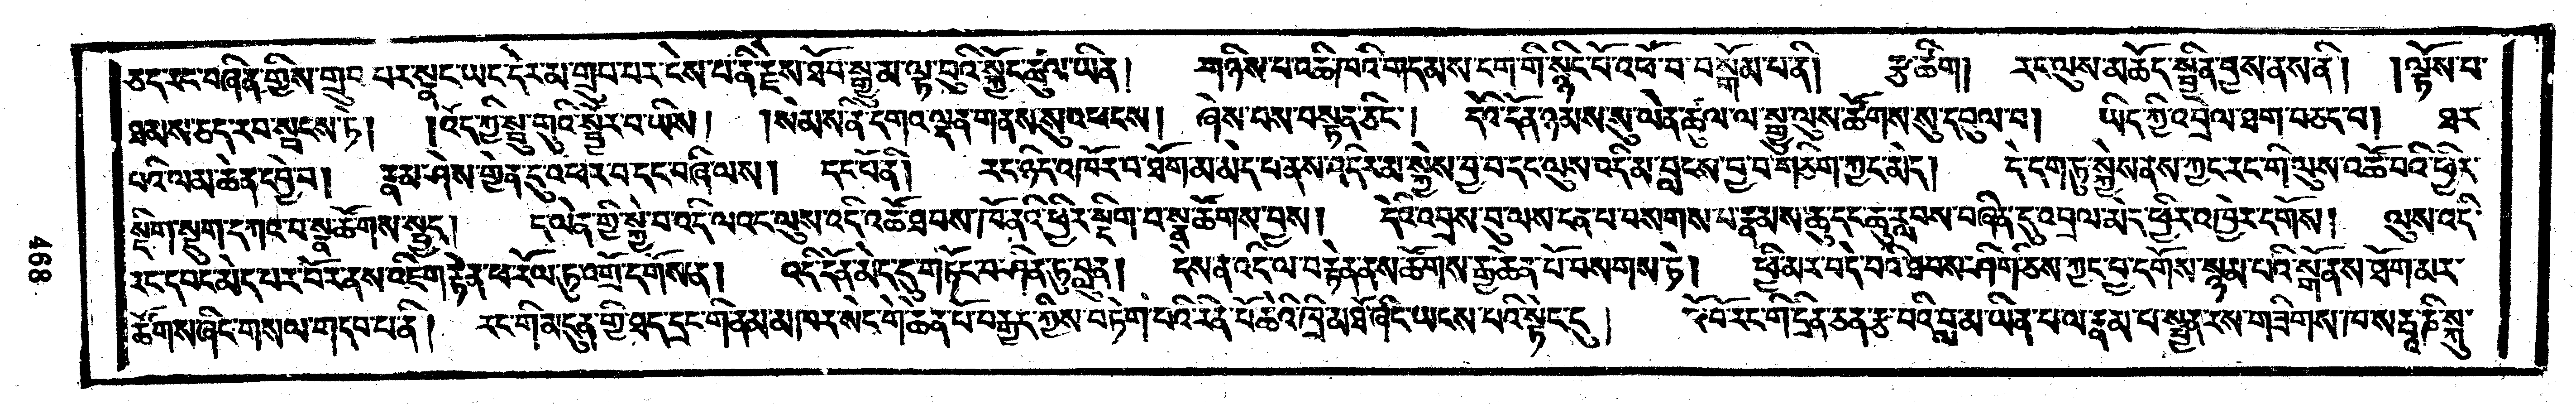ཅད་རང་བཞིན་གྱིས་གྲུབ་པར་སྣང་ཡང་དེར་མ་གྲུབ་པར་ངེས་པ་ནི་རྗེས་ཐོབ་སྒྱུ་མ་ལྟ་བུའི་སྐྱོང་ཚུལ་ཡིན། གཉིས་པ་འཆི་ཁའི་གདམས་ངག་གི་སྙིང་པོ་འཕོ་བ་བསྒོམ་པ་ནི། རྩ་ཚིག། རང་ལུས་མཆོད་སྦྱིན་བྱས་ནས་ནི། །ལྟོས་པ་
ཐམས་ཅད་རབ་སྤངས་ཏེ། །འོད་ཀྱི་སྦུ་གུའི་སྦྱོར་བ་ཡིས། །སེམས་ནི་དགའ་ལྡན་གནས་སུ་འཕངས། ཞེས་བས་བསྟན་ཅིང་། དེའི་དོན་ཉམས་སུ་ལེན་ཚུལ་ལ་སྒྱུ་ལུས་ཚོགས་སུ་དབུལ་བ། ཡིད་ཀྱི་འབྲེལ་ཐག་བཅད་བ། ཐར་
པའི་ལམ་ཆེན་དབྱེ་བ། རྣམ་ཤེས་གྱེན་དུ་འཕར་བ་དང་བཞི་ལས། དང་པོ་ནི། རང་ཉིད་འཁོར་བ་ཐོག་མ་མེད་པ་ནས་འདིར་མ་སྐྱེས་བྱ་བ་དང་ལུས་འདི་མ་བླངས་བྱ་བ་གཅིག་ཀྱང་མེད། དེ་དག་ཏུ་སྐྱེས་ནས་ཀྱང་རང་གི་ལུས་འཚོ་བའི་ཕྱིར་
སྡིག་སྡུག་དཀའ་བ་སྣ་ཚོགས་སྦྱད། ད་ལེན་གྱི་སྐྱེ་བ་འདི་ལའང་ལུས་འདི་འཚོ་ཐབས་ཁོ་ནའི་ཕྱིར་སྡིག་བ་སྣ་ཚོགས་བྱས། དེའི་འབྲས་བུ་ལས་ངན་པ་བསགས་པ་རྣམས་ཆུ་དང་ཆུ་རླབས་བཞིན་དུ་འབྲལ་མེད་ཕྱིར་འཁྱེར་དགོས། ལུས་འདི་
རང་དབང་མེད་པར་བོར་ནས་འཇིག་རྟེན་ཕ་རོལ་ཏུ་འགྲོ་དགོས་ན། འདི་དོན་མེད་དུ་གཏོང་བ་ཤིན་ཏུ་བླུན། དེས་ན་འདི་ལ་བརྟེན་ནས་ཚོགས་རྒྱ་ཆེན་པོ་བསགས་ཏེ། ཕྱི་མར་བདེ་བའི་ཐབས་ཤིག་ཅེས་ཀྱང་བྱ་དགོས་སྙམ་པའི་སྒོ་ནས་ཐོག་མར་
ཚོགས་ཞིང་གསལ་གདབ་པ་ནི། རང་གི་མདུན་གྱི་ཐད་དྲང་གི་ནམ་མཁར་སེང་གེ་ཆེན་པོ་བརྒྱད་ཀྱིས་བཏེག་པའི་རིན་པོ་ཅེའི་ཁྲི་མཐོ་ཞིང་ཡངས་པའི་སྟེང་དུ། ངོ་བོ་རང་གི་དྲིན་ཅན་རྩ་བའི་བླ་མ་ཡིན་པ་ལ་རྣམ་པ་སྦྱན་རས་གཟིགས་ཁ་སརྦཱ་ཎི་སྐུ་